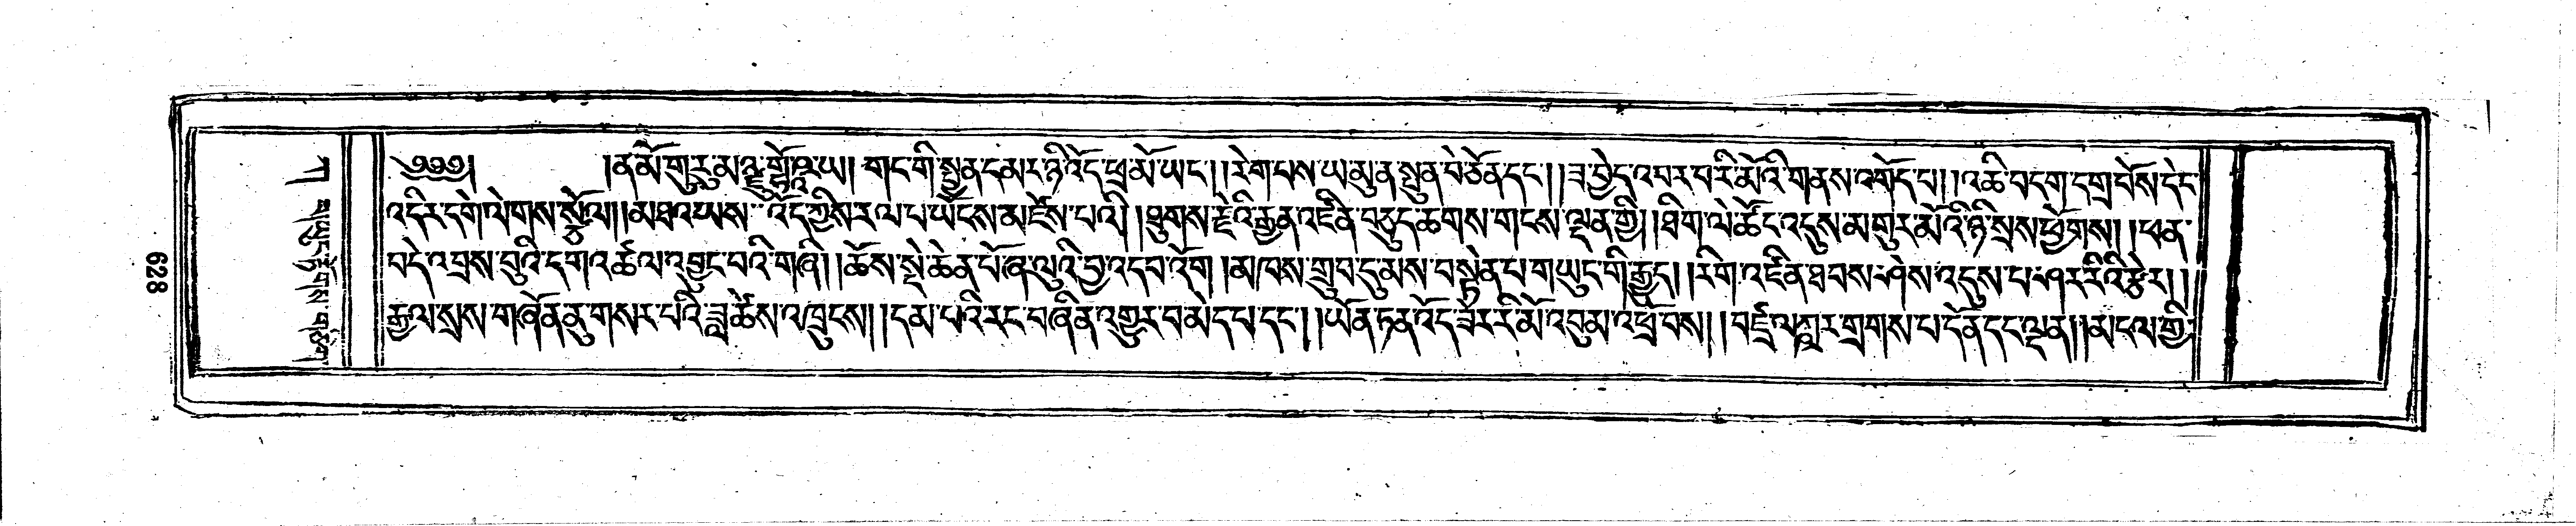༄༅༅། །ན་མོ་གུ་རུ་མཉྫུ་གྷོ་ཥཱ་ཡ། གང་གི་སྤྱན་དམར་ཉི་འོད་ཕྲ་མོ་ཡང་། །རེག་པས་ཡ་མུ་ན་སྤུན་བེ་ཅོན་དང་། །ཟ་བྱེད་འབར་བ་རི་མོའི་གནས་འགོད་པ། །འཆི་བདག་དགྲ་བོས་དེང་
འདིར་དགེ་ལེགས་སྩོལ། །མཐའ་ཡས་འོད་ཀྱིས་རལ་པ་ཡོངས་མཛེས་པའི། །ཐུགས་རྗེའི་རྒྱན་འཛིན་བཅུད་ཆགས་གངས་ལྡན་གྱི། །ཐིག་ལེ་ཚོང་འདུས་མགུར་མོའི་ཉི་སྲས་ཕྱོགས། །ཕན་
བདེ་འབྲས་བུའི་དགའ་ཚལ་འབྱུང་བའི་གཞི། །ཆོས་སྡེ་ཆེན་པོ་ཞ་ལུའི་བྱ་འདབ་འོག །མཁས་གྲུབ་དུ་མས་བསྟེན་པ་གཡུང་གི་རྒྱུད། །རིག་འཛིན་ཐབས་ཤེས་འདུས་པ་ཤར་རིའི་རྩེར། །
རྒྱལ་སྲས་གཞོན་ནུ་གསར་པའི་ཟླ་ཚེས་འཁྲུངས། །དམ་པའི་རང་བཞིན་འགྱུར་བ་མེད་པ་དང་། །ཡོན་ཏན་འོད་ཟེར་རི་མོ་འབུམ་འཕྲོ་བས། །བཛྲ་ལཀྵར་གྲགས་པ་དོན་དང་ལྡན། །མངལ་གྱི་